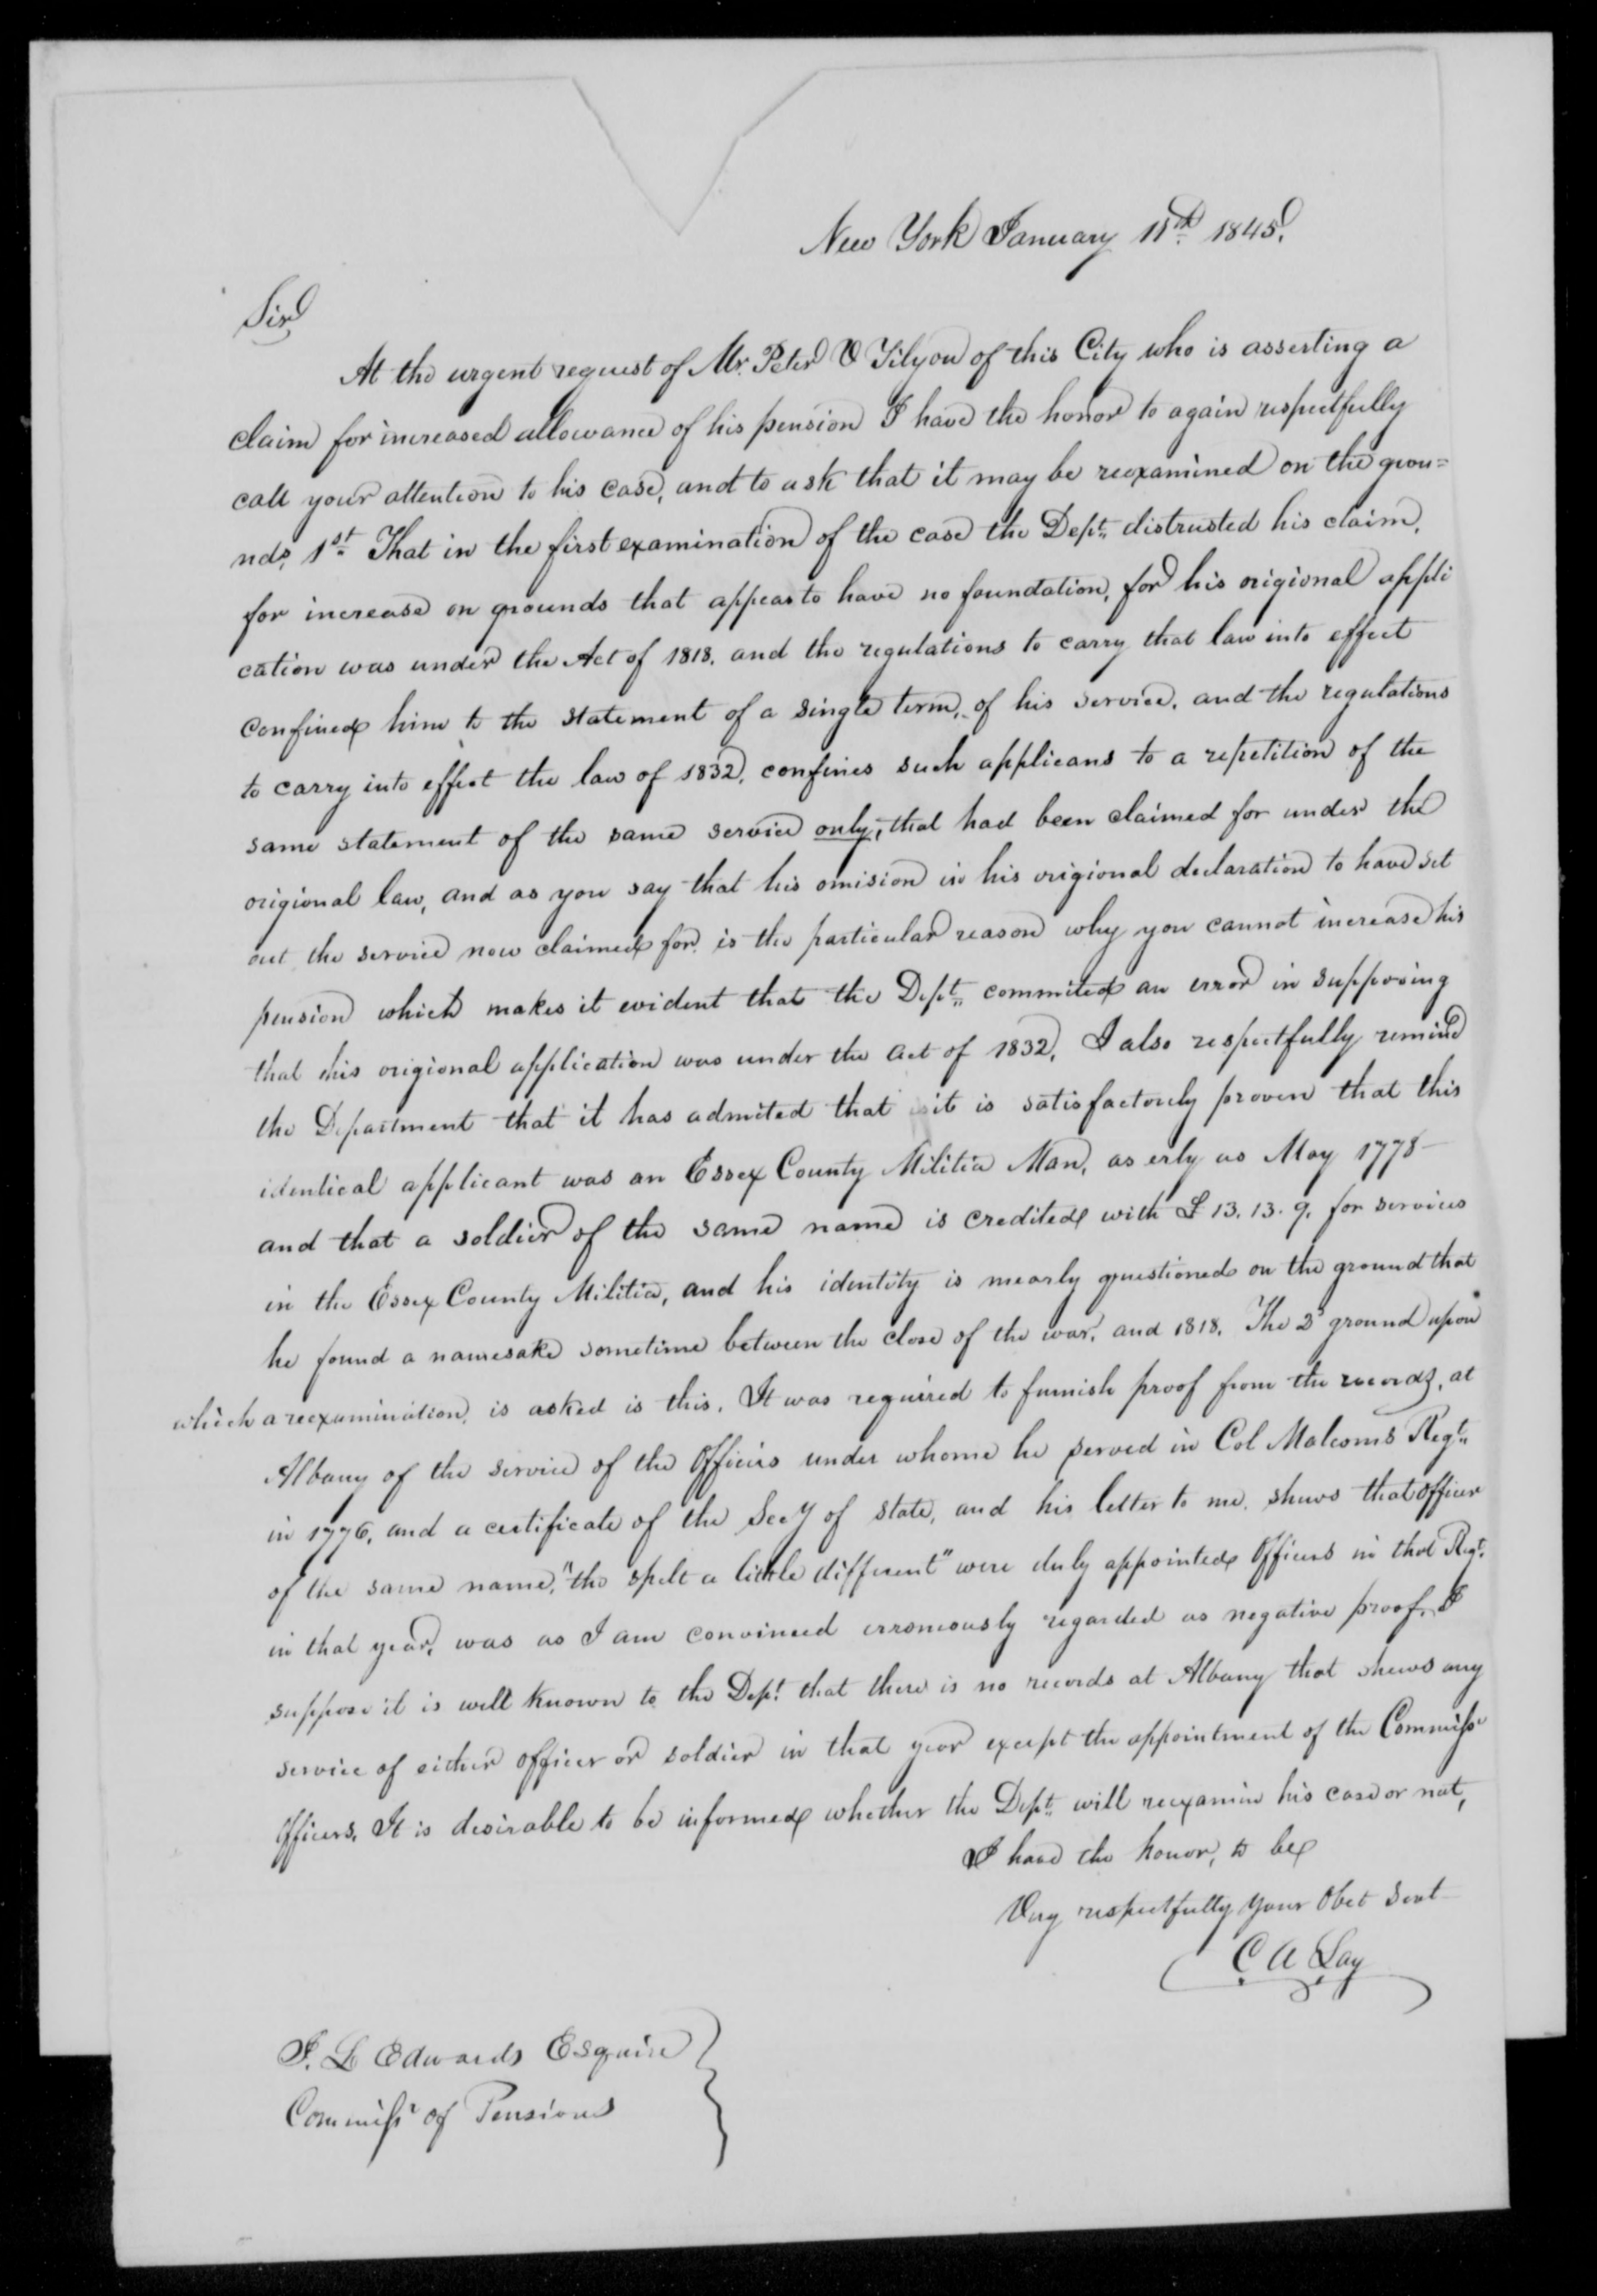New York January 22th 1845.
Sir,

At the urgent request of Mr. Peter V. Tilyou of this City who is asserting a claim for increased allowance of his pension I have the honor to again respectfully call your attention to his case, and to ask that it may be reexamined on the grounds 1st That in the first examination of the case the Dept. distrusted his claim for increase on grounds that appear to have no foundation. for  his original application was under the Act of 1818, and the regulations to carry that law into effect  confined him to the statement of a single term of his service, and the regulations to carry into effect the law of 1832, confines such applicant to a repetition of the same statement of the same service only(underlined), that had been claimed for under the original law, and as you say that his omision in his original declaration to have set out the service now claimed for is the particular reason why you cannot increase his pension which makes it evident that the Dept. committed an error in supposing that his original application was under the Act of 1832. I also respectfully remind the Department that it has admited [admitted] that it is satisfactorily proven that this identical applicant was an Essex County Militia Man, as erly [early] as May 1778- and that a soldier of the same name is credited with £13.13.9. for services in the Essex County Militia, and his identity is mearly [merely] questioned on the ground that he found a namesake sometime between the close of the war and 1818. The 2d ground upon which a reexamination is asked is this. It was required to furnish proof from the records, at Albany of the service of the Officers under whom he served in Col. Malcolms Regt.in 1776, and a certificate of the Secy of State , and and his letter to me, shows that officer of the same name, "tho spelt a little different" was duly appointed officer in that Regt. in that year, was as I am convinced erroneously regarded as negative proof. I suppose it is well known to the Dept. that there is no records at Albany that shews any service of either officer or soldier in that year except the appointment of the Commisd [commissioned] officers. It is desirable to be informed whether the Dept. will reexamine his case or not,

I had the honor to be
Very respectfully your obed sevt

C A Lay

J. L Edwards Esquire
Commissr of Pensions }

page: 62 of 101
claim: widow's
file: W. 25481, for Peter V Tilyou, New Jersey